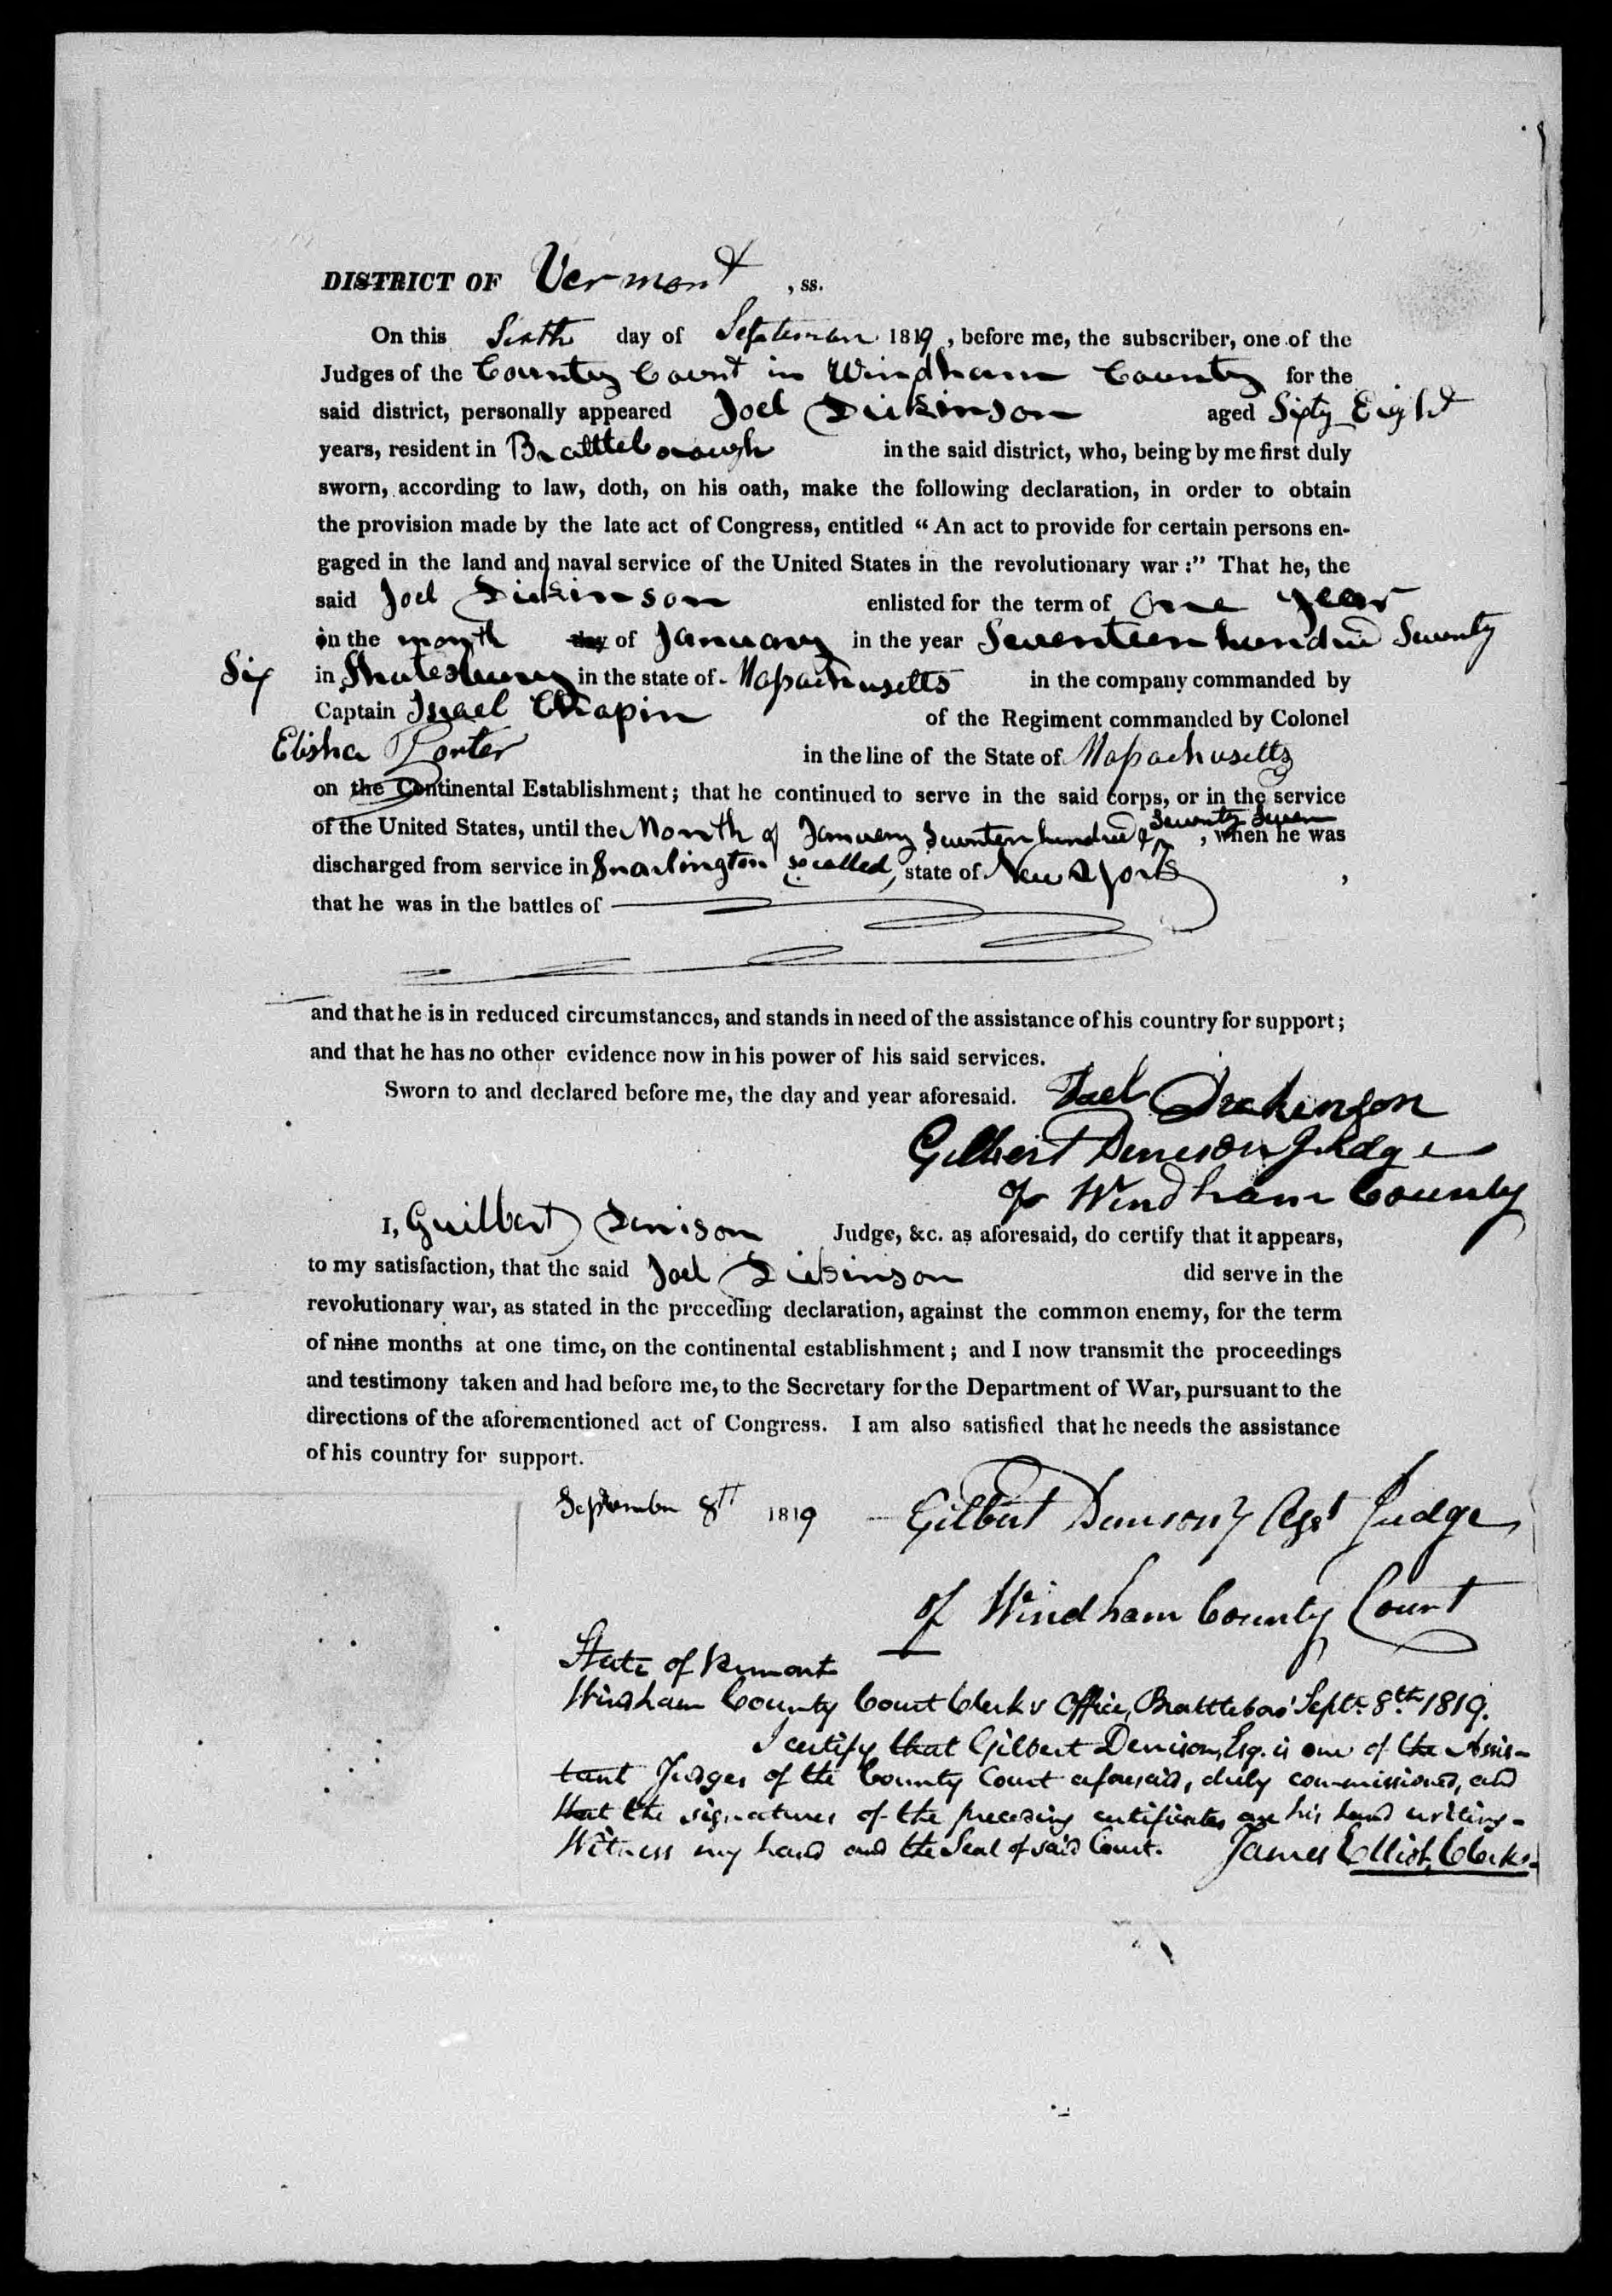DISTRICT OF VERMONT, 88.
On this Sixth day of September 1819, before me, the subscriber, one of the
Judges of the County Court in Windham County for the
said district, personally appeared Joel Dickinson aged Sixty Eight
years, resident in Brattleborough in the said district, who, being by me first duly
sworn according to law, doth, on his oath, make the following declaration, in order to obtain
the provision made by the late act of Congress, entitled "An act to provide for certain persons engaged
in the land and naval service of the United States in the revolutionary war: " That he, the
said Joel Dickinson enlisted for the term of one year
in the month of January in the year Seventeen hundred Twenty
Six in Shutesbury in the state of Massachusetts in the company commanded by
Captain Isreal Chapin of the Regiment commanded by Colonel
Elisha Porter in the line of the State of Massachusetts
on the Continental Establishment; that he continued to serve in the said corps, or in the service
of the United States, until the Month of January Seventeen hundred & Seventy Seven, when he was
discharged from service in in Snarlington, so called, state of New York
that he was in the battles of 
and that he is in reduced circumstances, and stands in need of the assistance of his country for support;
and that he has no other evidence now in his power of his said services.
Sworn to and declared before me, the day and year aforesaid. 
Joel Dickinson
Gilbert Denison Judge
of Winham County

I, Guilbert Denison Judge, &c. as aforesaid, do certify that it appears,
to my satisfaction, that the said Joel Dickinson did serve in the
revolutionary war, as stated in the preceding declaration, against the common enemy, for the term
of nine months at one time, on the continental establishment; and I now transmit the proceedings
and testimony taken and had before me, to the Secretary for the Department of War, pursuant to the
directions of the aforementioned act of Congress. I am also satisfied that he needs the assistance
of his country for support.
September 8th 1819 Gilbert Denison} Aget Judge
of Windham County Court

State of Vermont
Windham County Court Clerk Office, Brattleboro Sept. 8th, 1819.
I certify that Gilbert Denison Esq is one of the Assistant Judges of the County Court aforesaid, duly commissioned, and
that the signatures of the preceding certificates are his hand writing.
Witness my hand and the Seal of said Court. James Elliot, Clerk.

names: Gilbert Denison, Gilbert Denison, Joel Dickinson, Joel Dickinson, Joel Dickinson, Israel Chapin, James Elliot, Elisha Porter, Gilbert Denison, Joel Dickinson, Guilbert Denison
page: 14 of 31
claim: widow's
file: W. 22946, Joel Dickinson, Mass.